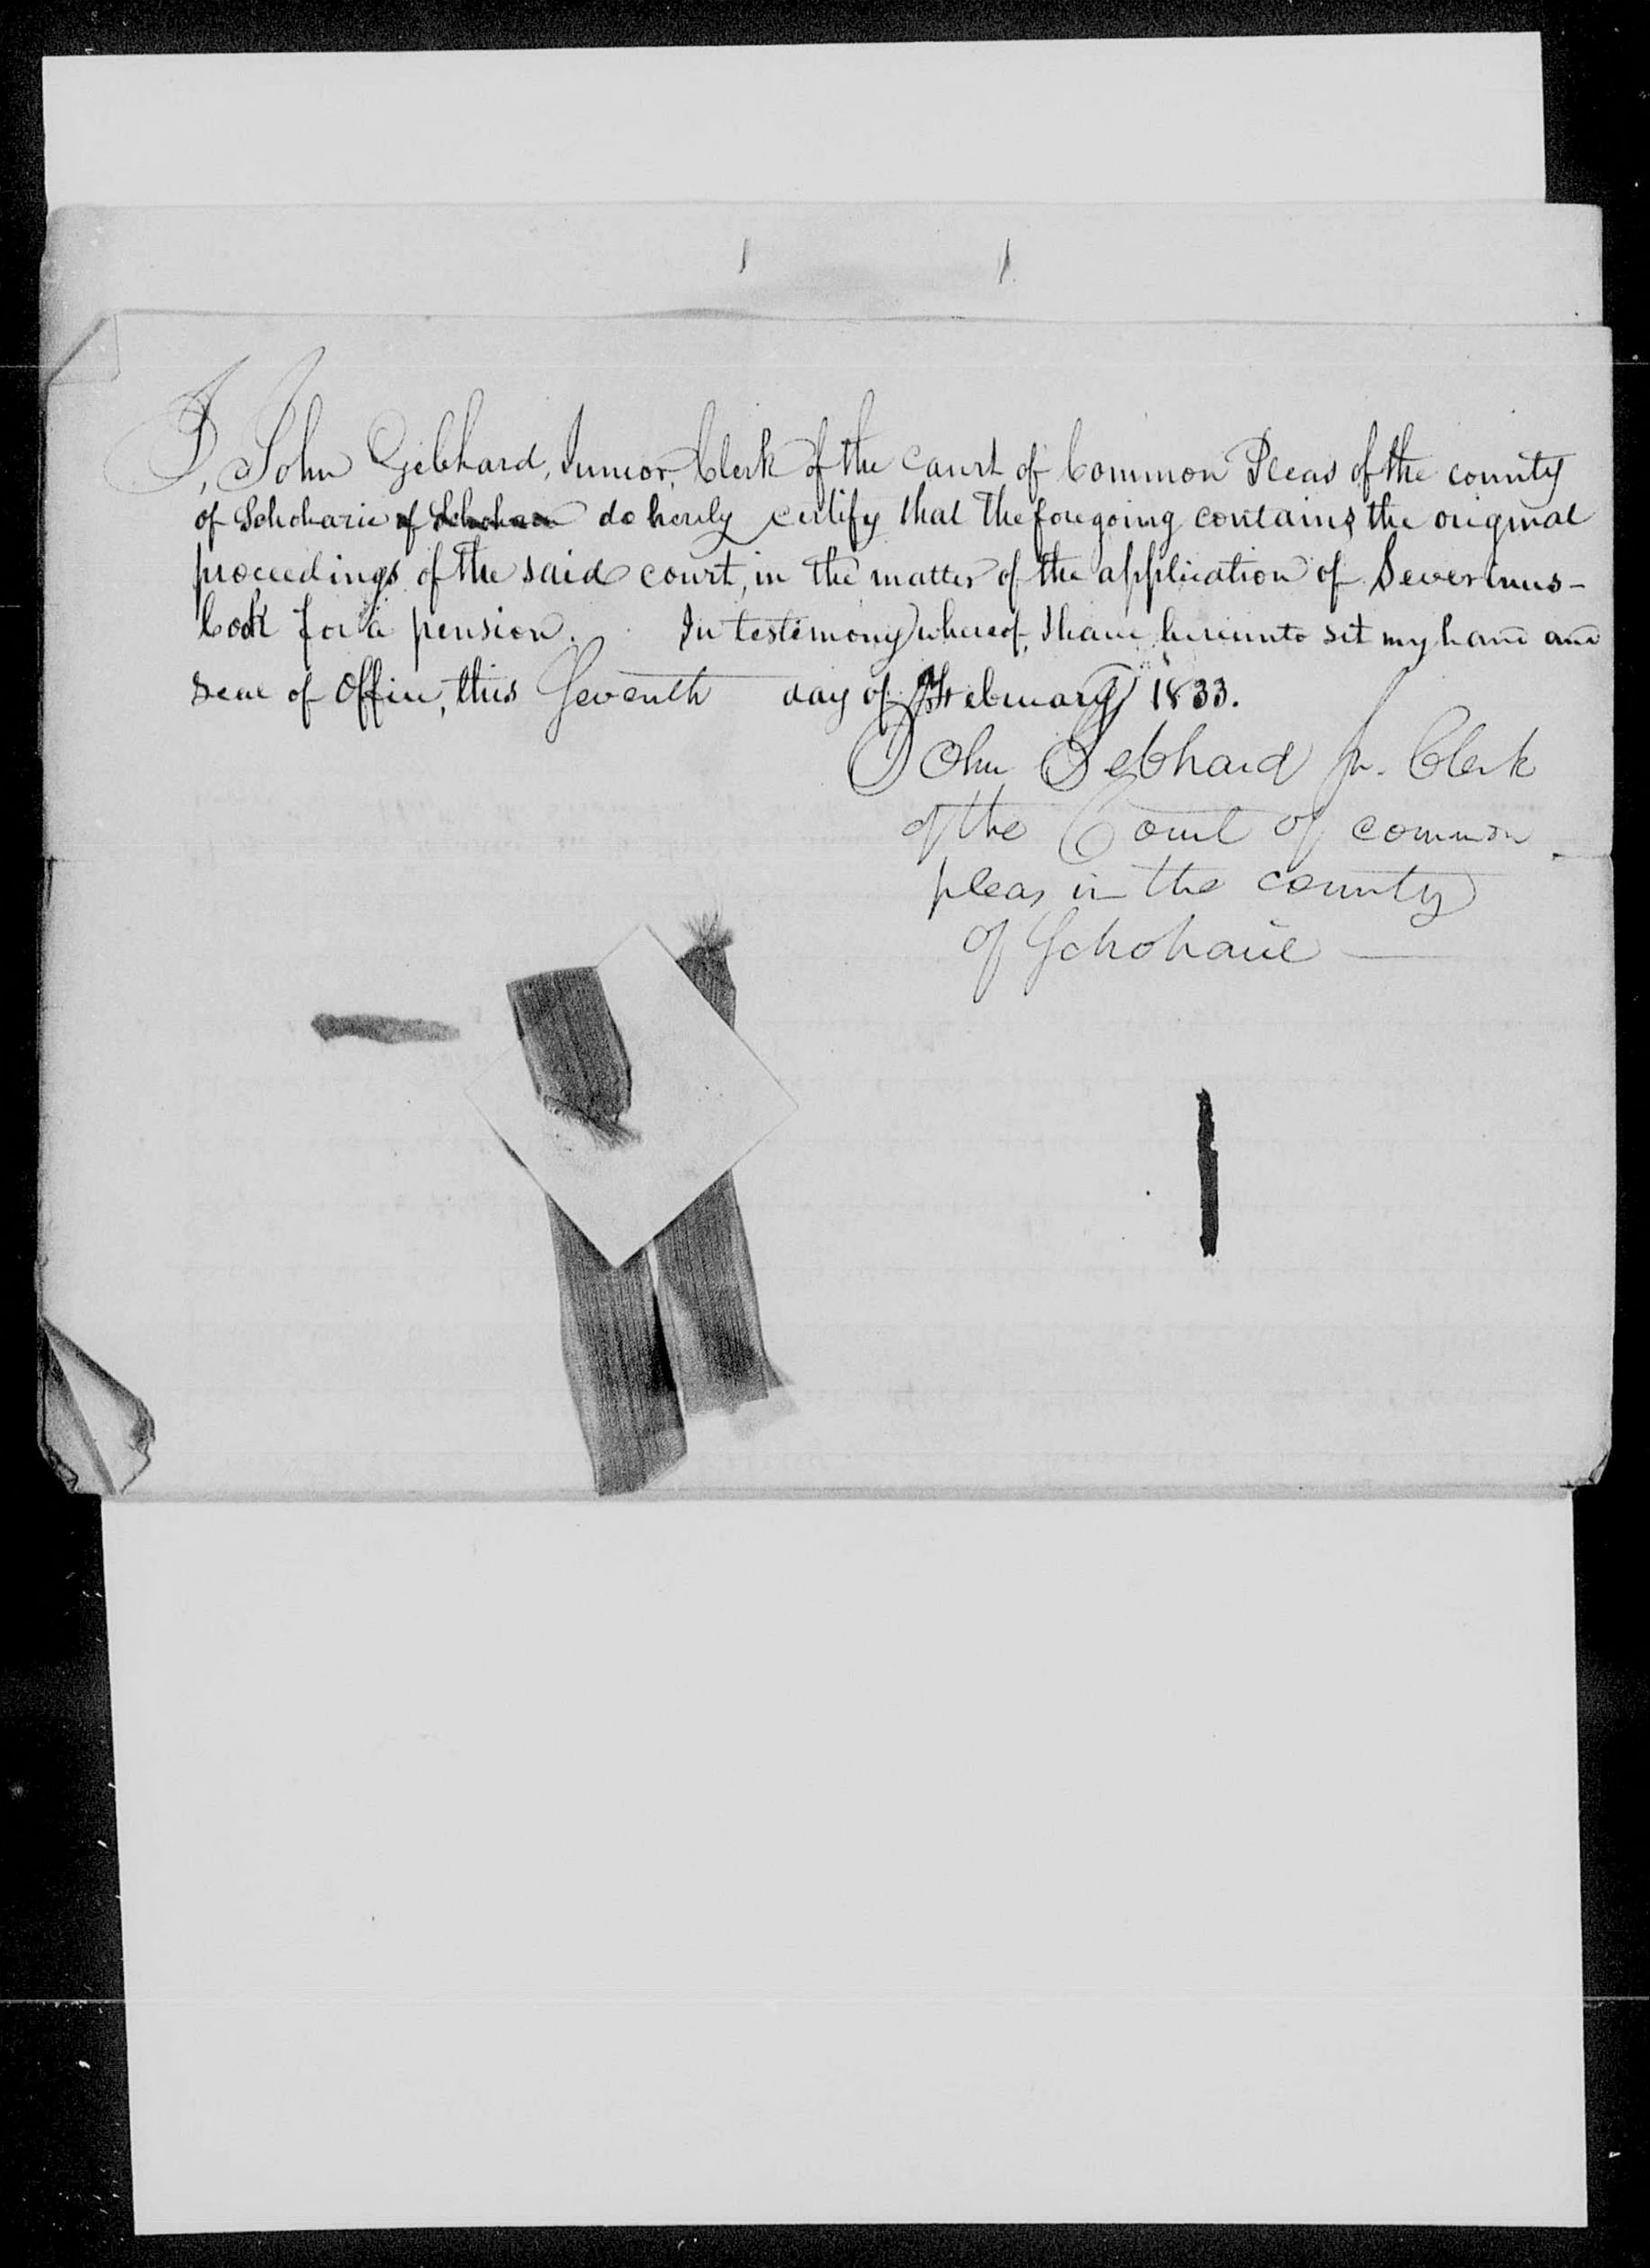I, John Gebhard, Junior, Clerk of the Court of Common Pleas of the county of Schoharie do hereby certify that the foregoing contains the original proceedings of the said count, in the matter of the application of Severinus Cook for a pension.

In testimony whereof, I have hereunto set my had and Seal of Office, this Seventh day of February 1833.

John Gebhard Jr. Clerk of the Court of common pleas in the county of Schoharie.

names: John Gebhard, John Gebhard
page: 48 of 51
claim: survivor's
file: S. 12563, Severinus Cook, New York